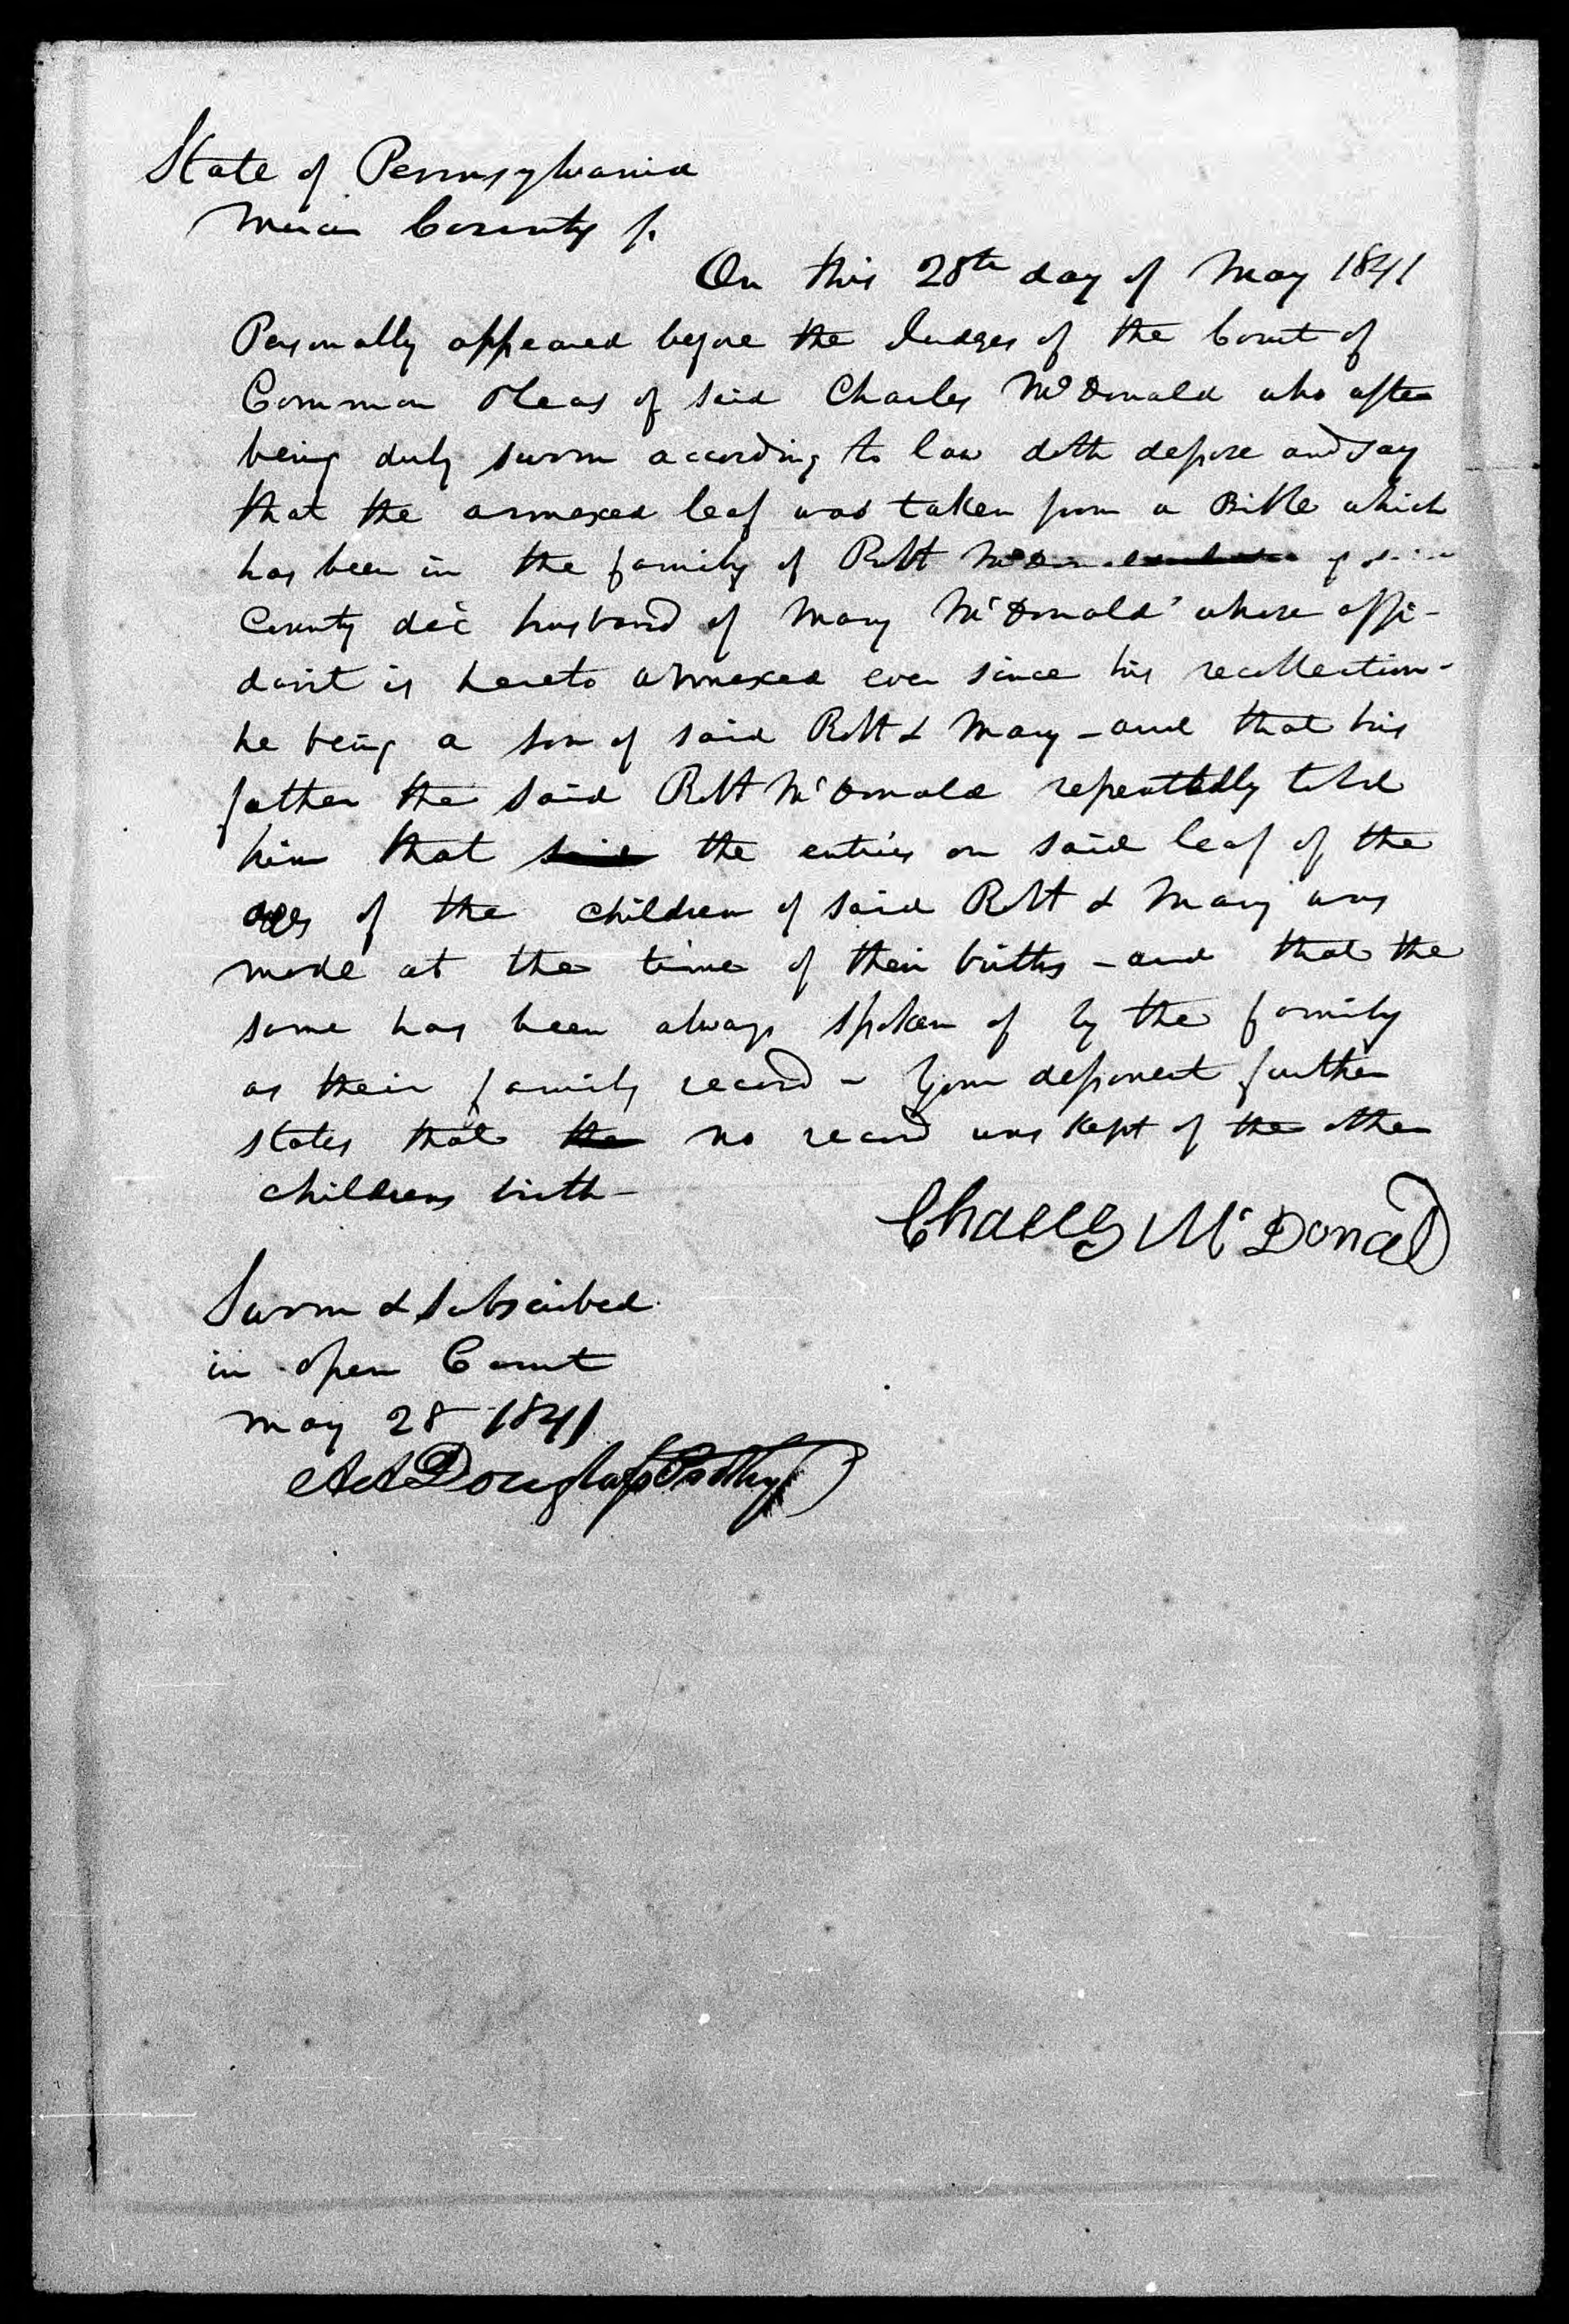State of Pennsylvania
Mercer County
on this 28th day of May 1841 Personally appeared before the Judges of the Court of Common Pleas of said Charles McDonald who after being duly sworn according to law doth depose and say that the annexed leaf was taken from a Bible which has been in the family of Robert Mother of said county deceased husband of Mary McDonald whoseaffidavit is hereto annexed ever since his recollection he being a son of said Robert and Mary and that his father the said Robert McDonald repeatedly told him that the entire or said leaf of the children of said Robert and Mary was made at the time of their births and that the same has been always spoken of the family as their family record Your deponent further states that now record was kept of the children's birth
Charles McDonald
Sworn and Subscribed in Open Court May 28 1841
Ad Doughlass Prothy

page: 19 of 59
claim: widow's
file: W 3703, for Robert Mc Donald, Pennsylvania